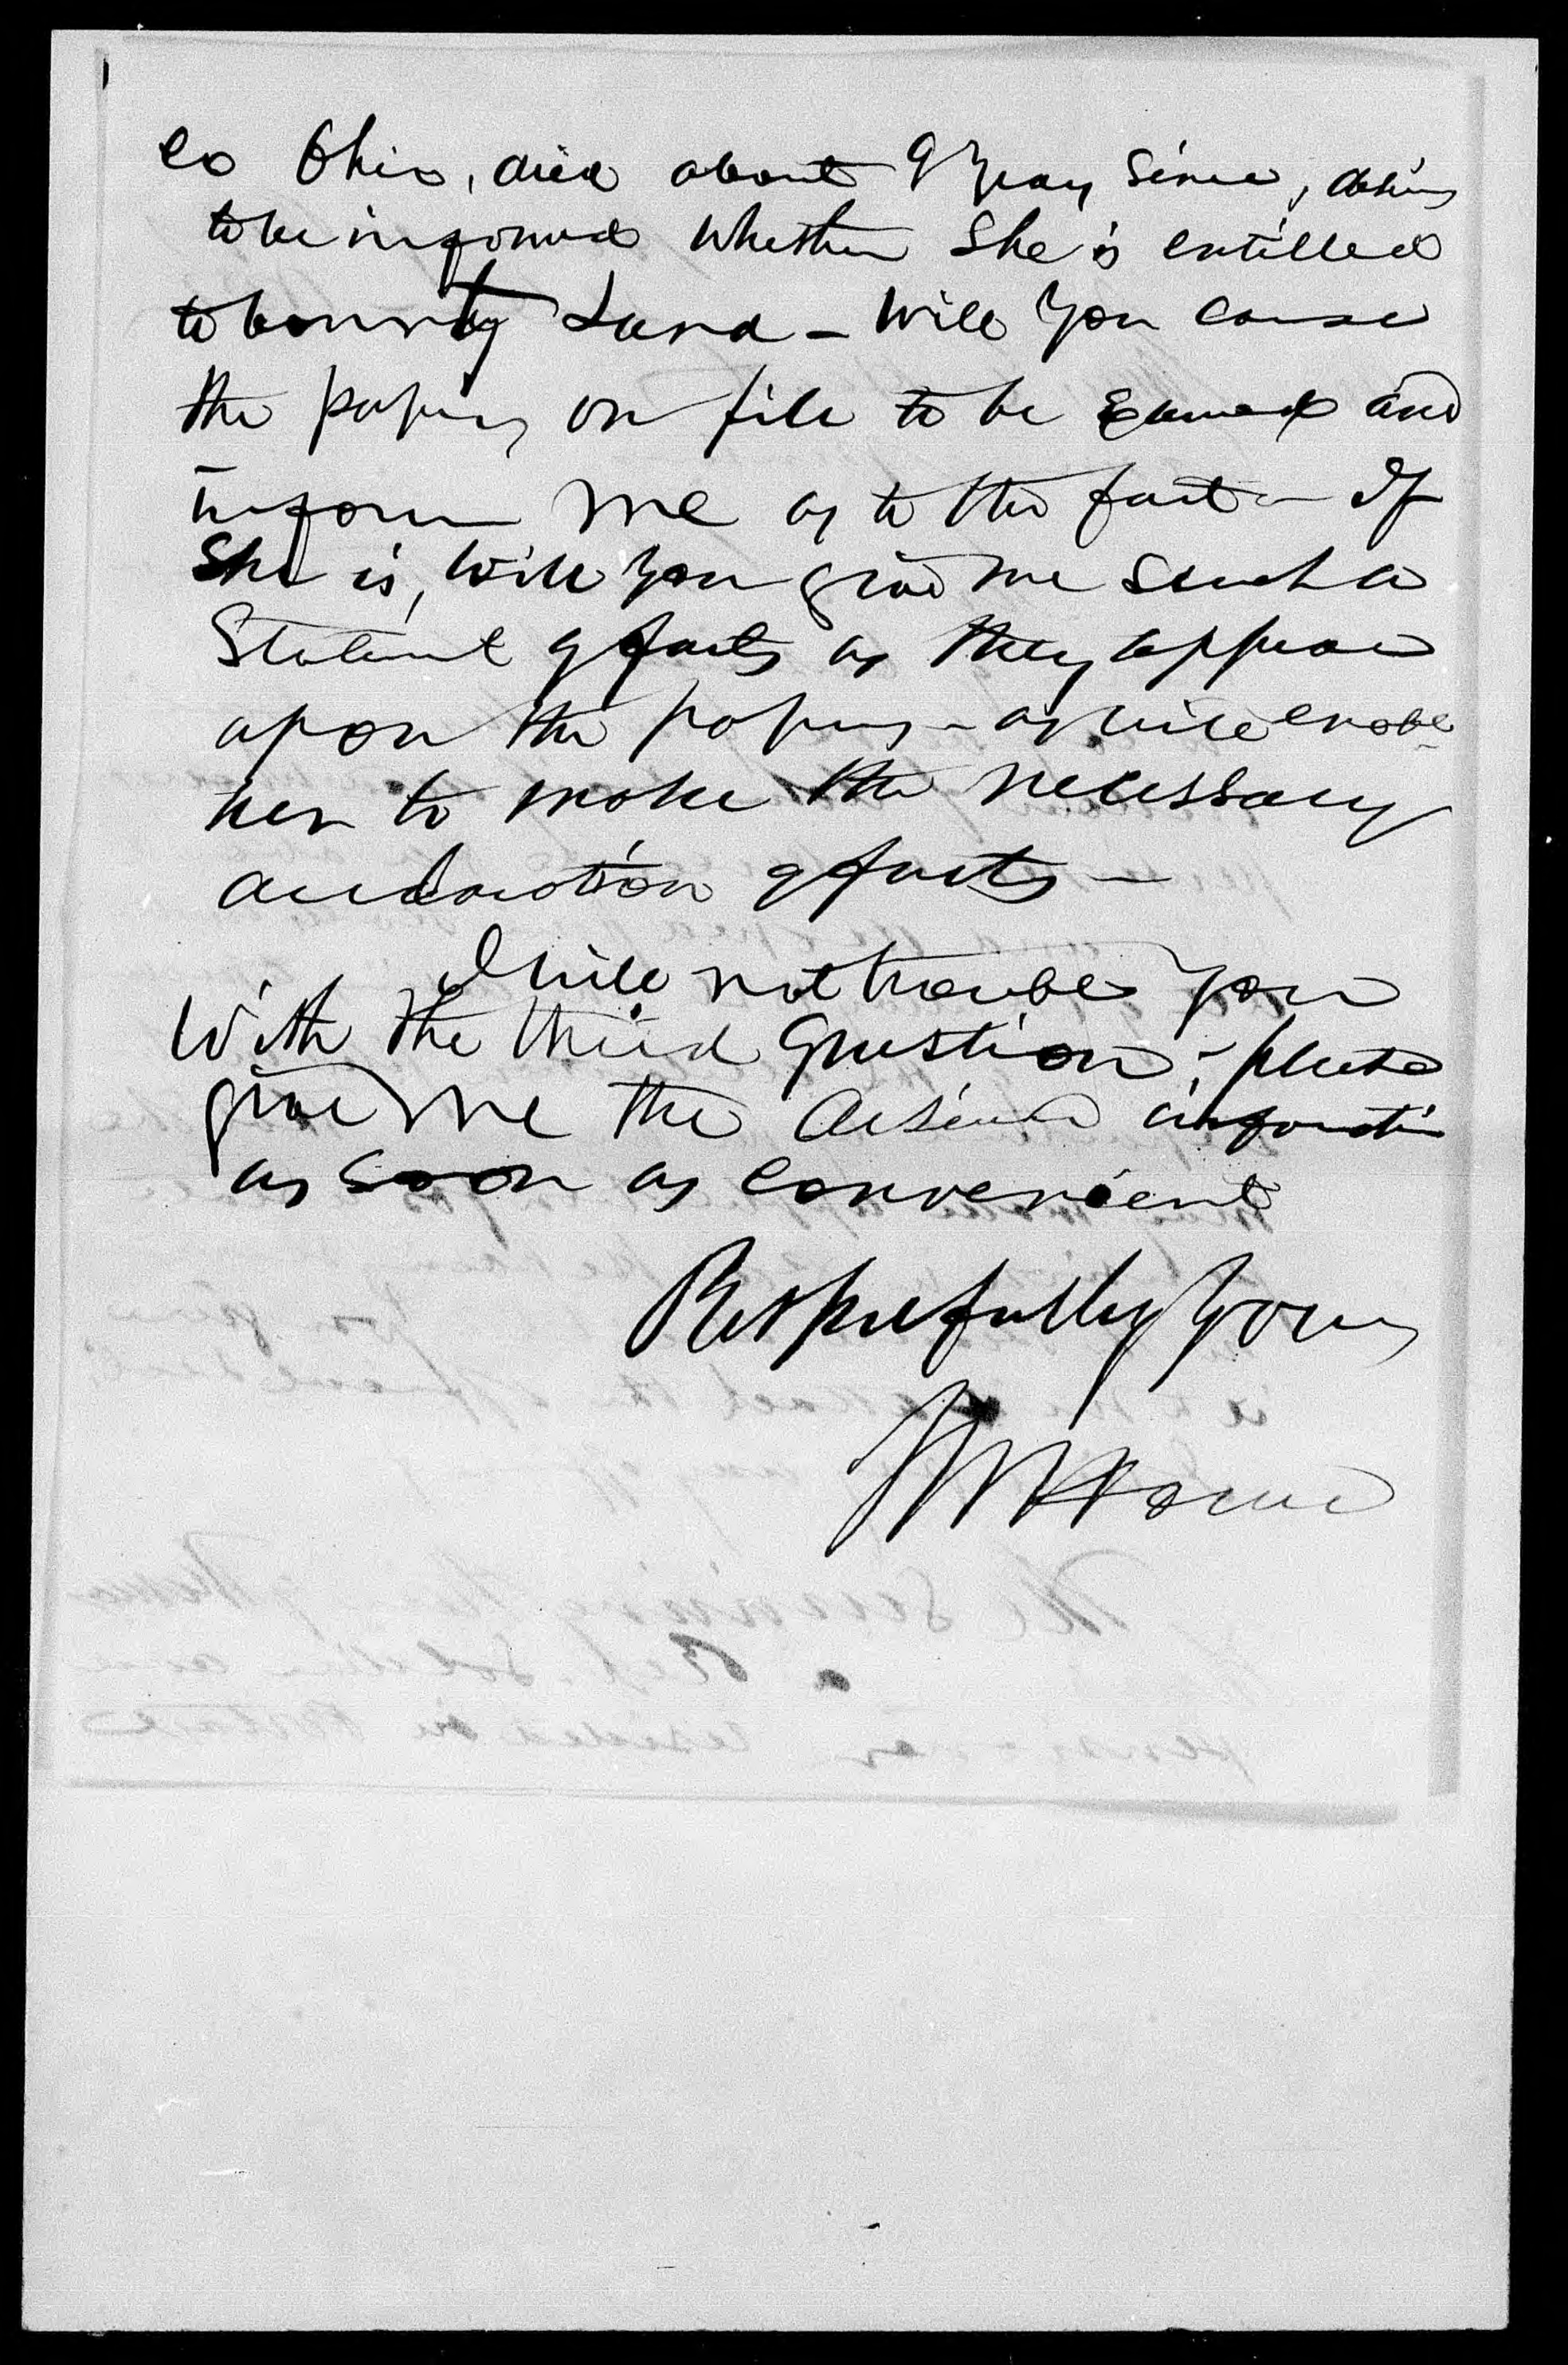co Ohio, died about 9 May since, asking to be informed whether she is entitled to bounty land- Will you cause the papers on file to be [illegible] and inform me as to the fact if she is, will you send me such a statement of facts as they appear upon the papers- as will enable her to make the necessary declaration of facts-
I will not trouble you with the third question- please give me the [illegible] information as soon as convenient
Respectfully yours
JW Howe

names: J W Howe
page: 39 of 63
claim: widow's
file: W. 3228, John Daly, Penn.